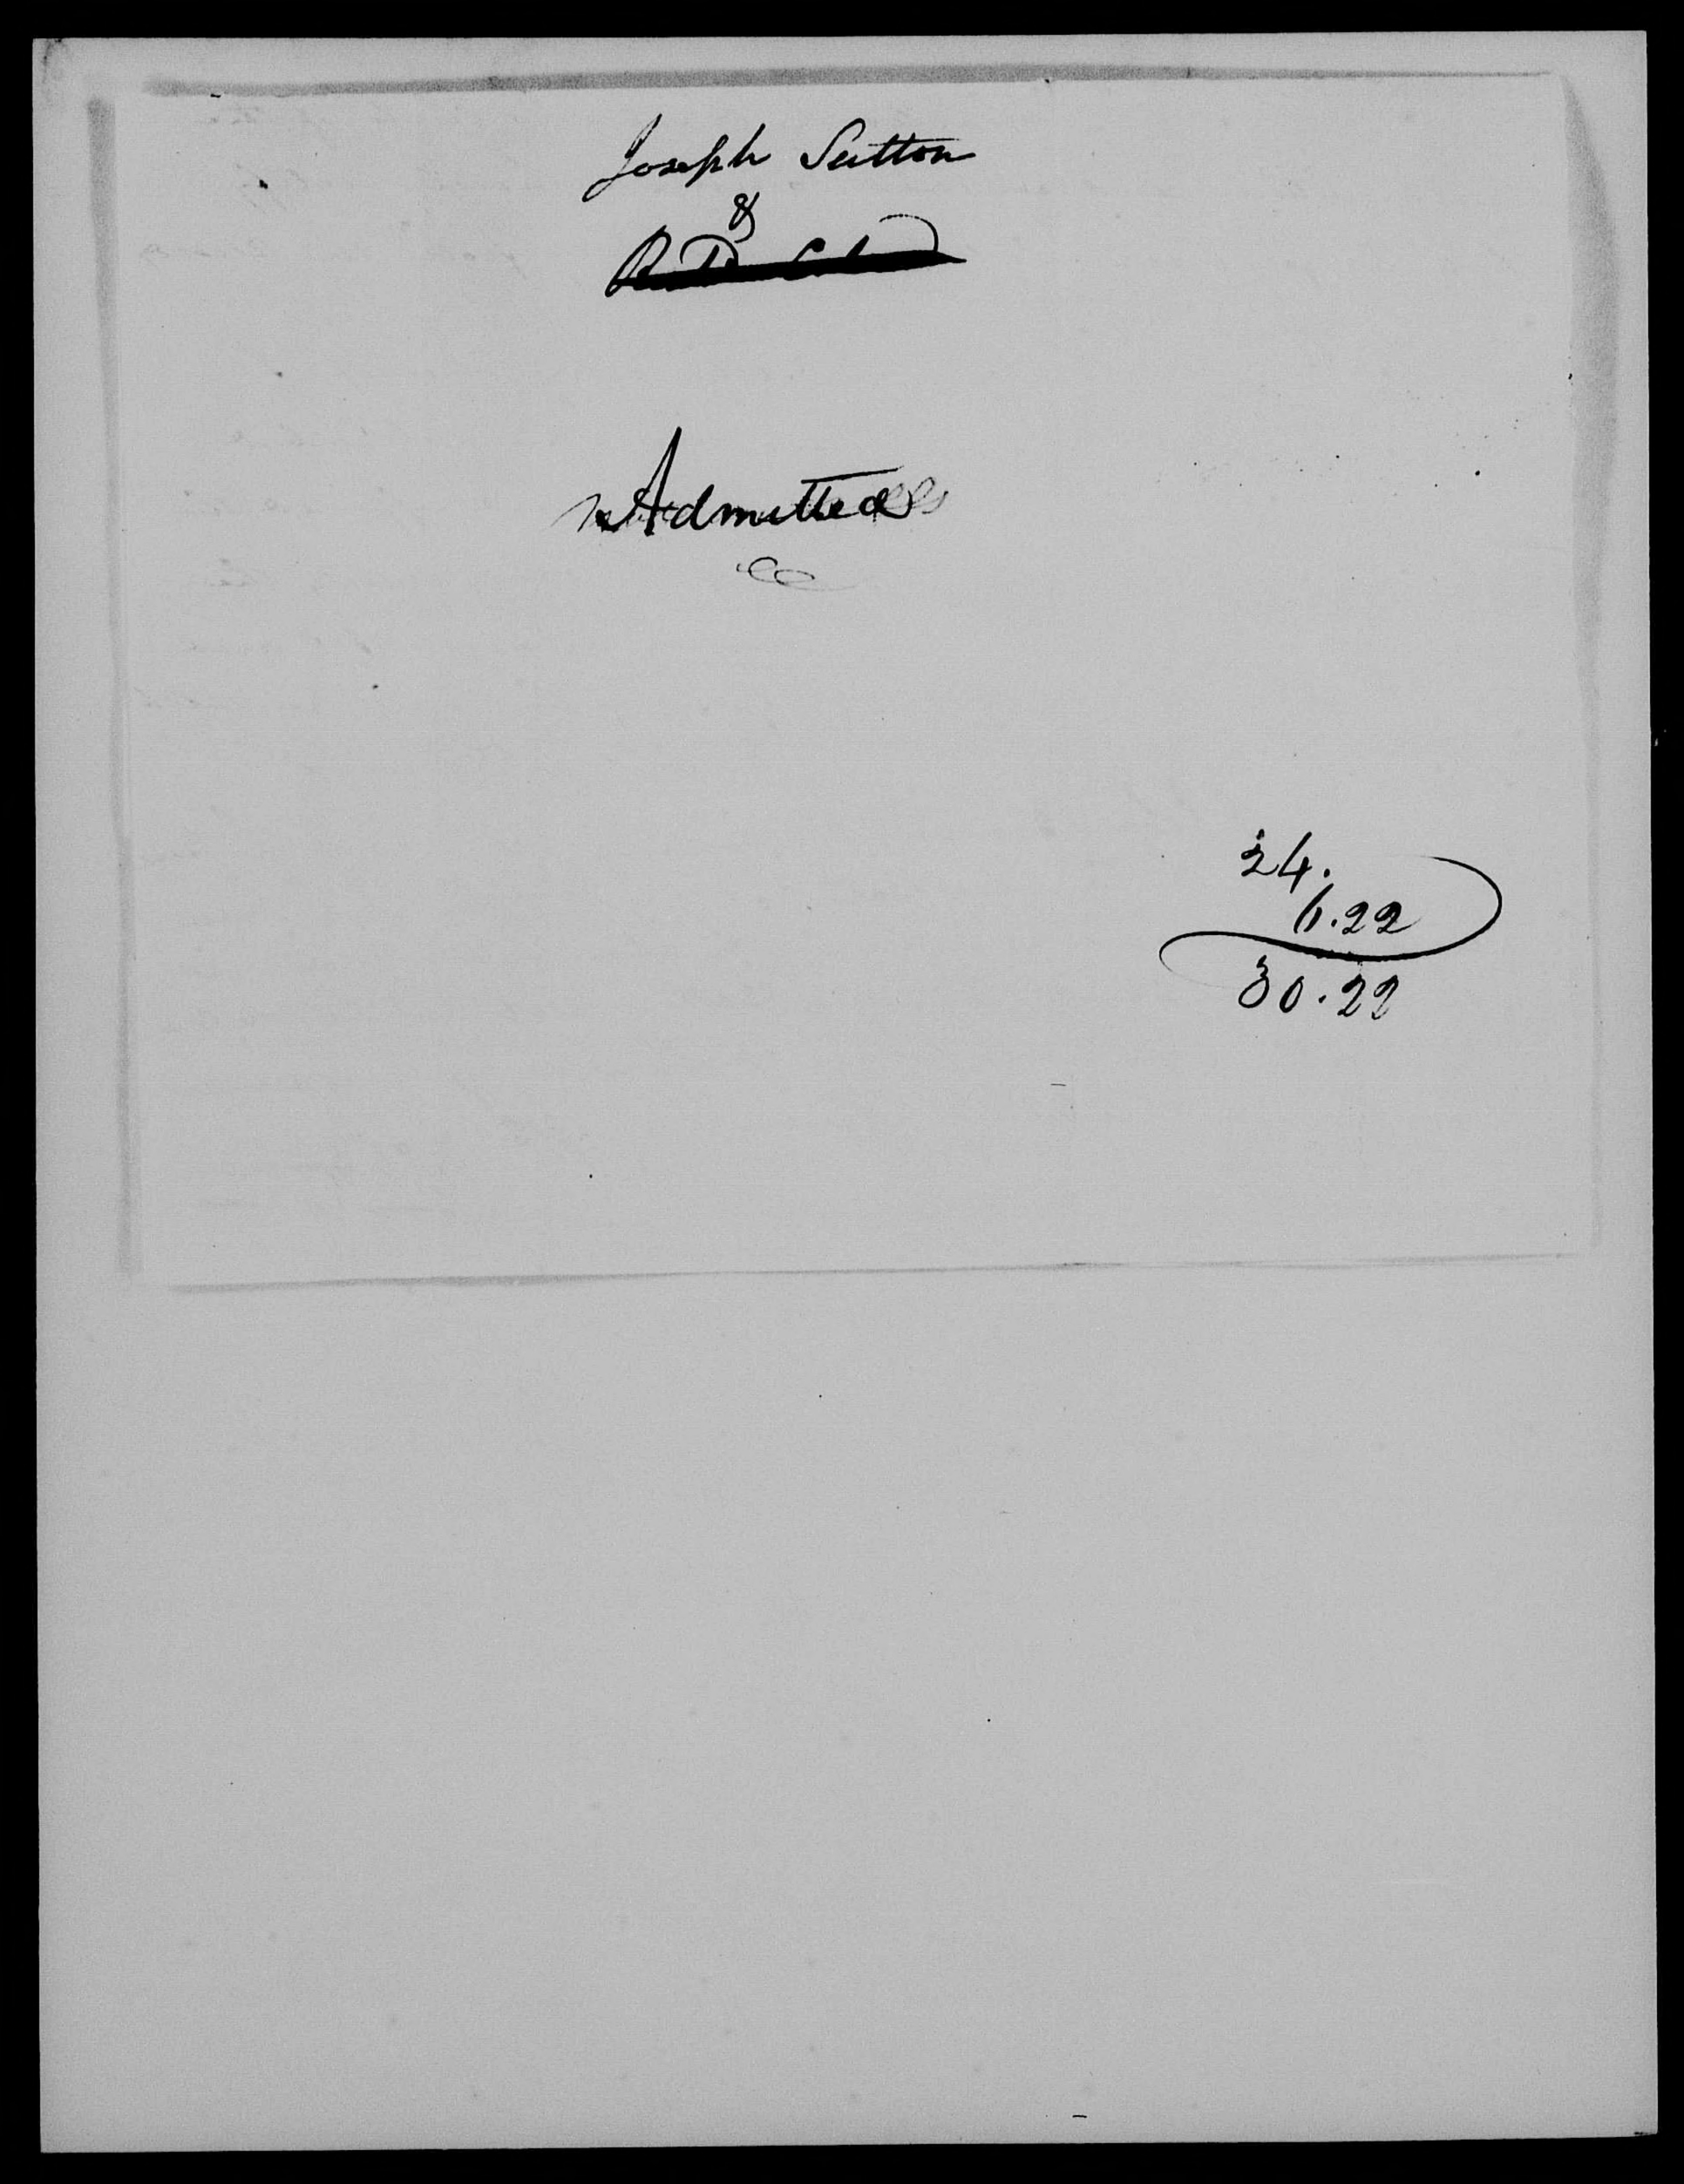Joseph Sutton
Admitted
24
6.22
30.22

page: 7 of 21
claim: survivor's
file: S. 41223, for Joseph Sutton, Virginia